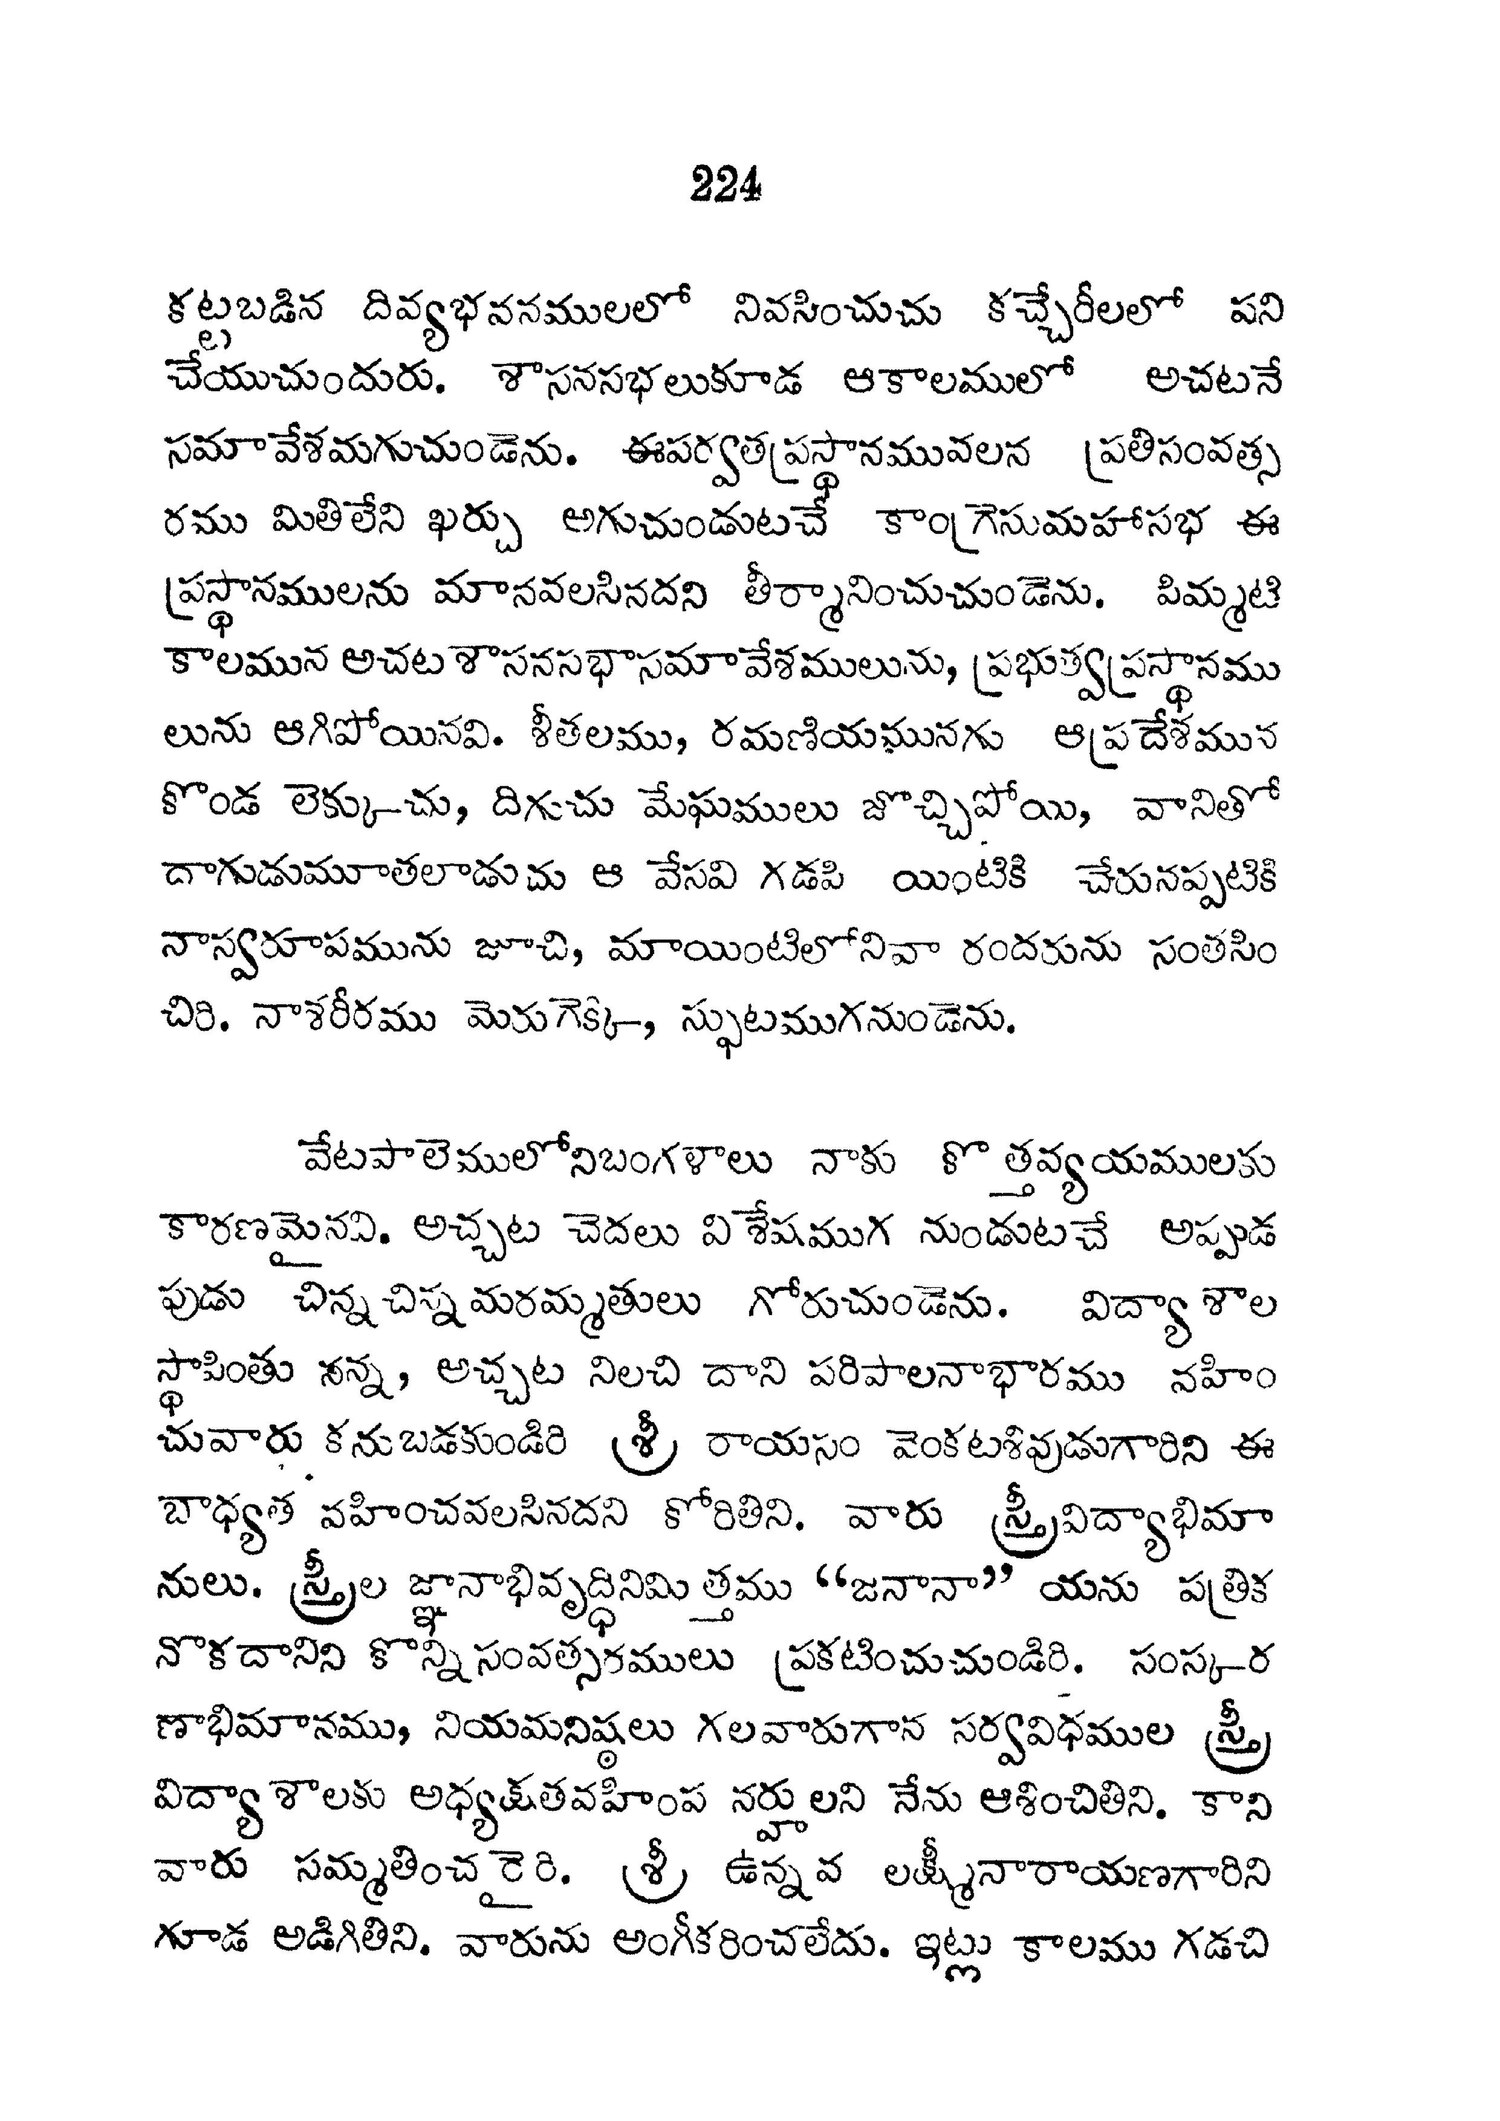కట్టబడిన దివ్యభవనములలో నివసించుచు కచ్చేరీలలో పనిచేయుచుందురు. శాసనసభలుకూడ ఆకాలములో అచటనే సమావేశమగుచుండెను. ఈపర్వతప్రస్థానమువలన ప్రతిసంవత్సరము మితిలేని ఖర్చు అగుచుండుటచే కాంగ్రెసుమహాసభ ఈప్రస్థానములను మానవలసినదని తీర్మానించుచుండెను. పిమ్మటి కాలమున అచటశాసనసభాసమావేశములును, ప్రభుత్వప్రస్థానములును ఆగిపోయినవి. శీతలము, రమణీయమునగు ఆప్రదేశమున కొండ లెక్కుచు, దిగుచు మేఘములు జొచ్చిపోయి, వానితో దాగుడుమూతలాడుచు ఆ వేసవి గడపి యింటికి చేరునప్పటికి నాస్వరూపమును జూచి, మాయింటిలోనివా రందరును సంతసించిరి. నాశరీరము మెరుగెక్కి, స్ఫుటముగనుండెను.

వేటపాలెములోనిబంగళాలు నాకు కొత్తవ్యయములకు కారణమైనవి. అచ్చట చెదులు విశేషముగ నుండుటచే అప్పుడపుడు చిన్న చిన్న మరమ్మతులు గోరుచుండెను. విద్యాశాలస్థాపింతు నన్న, అచ్చట నిలచి దాని పరిపాలనాభారము వహించువారు కనుబడకుండిరి. శ్రీ రాయసం వెంకటశివుడుగారిని ఈ బాధ్యత వహించవలసినదని కోరితిని. వారు స్త్రీవిద్యాభిమానులు. స్త్రీల జ్ఞానాభివృద్ధినిమిత్తము "జనానా" యను పత్రిక నొకదానిని కొన్నిసంవత్సరములు ప్రకటించుచుండిరి. సంస్కరణాభిమానము, నియమనిష్ఠలు గలవారుగాన సర్వవిధముల స్త్రీ విద్యాశాలకు అధ్యక్షతవహింప నర్హులని నేను ఆశించితిని. కాని వారు సమ్మతించరైరి. శ్రీ ఉన్నవ లక్ష్మీనారాయణగారిని గూడ అడిగితిని. వారును అంగీకరించలేదు. ఇట్లు కాలము గడచి